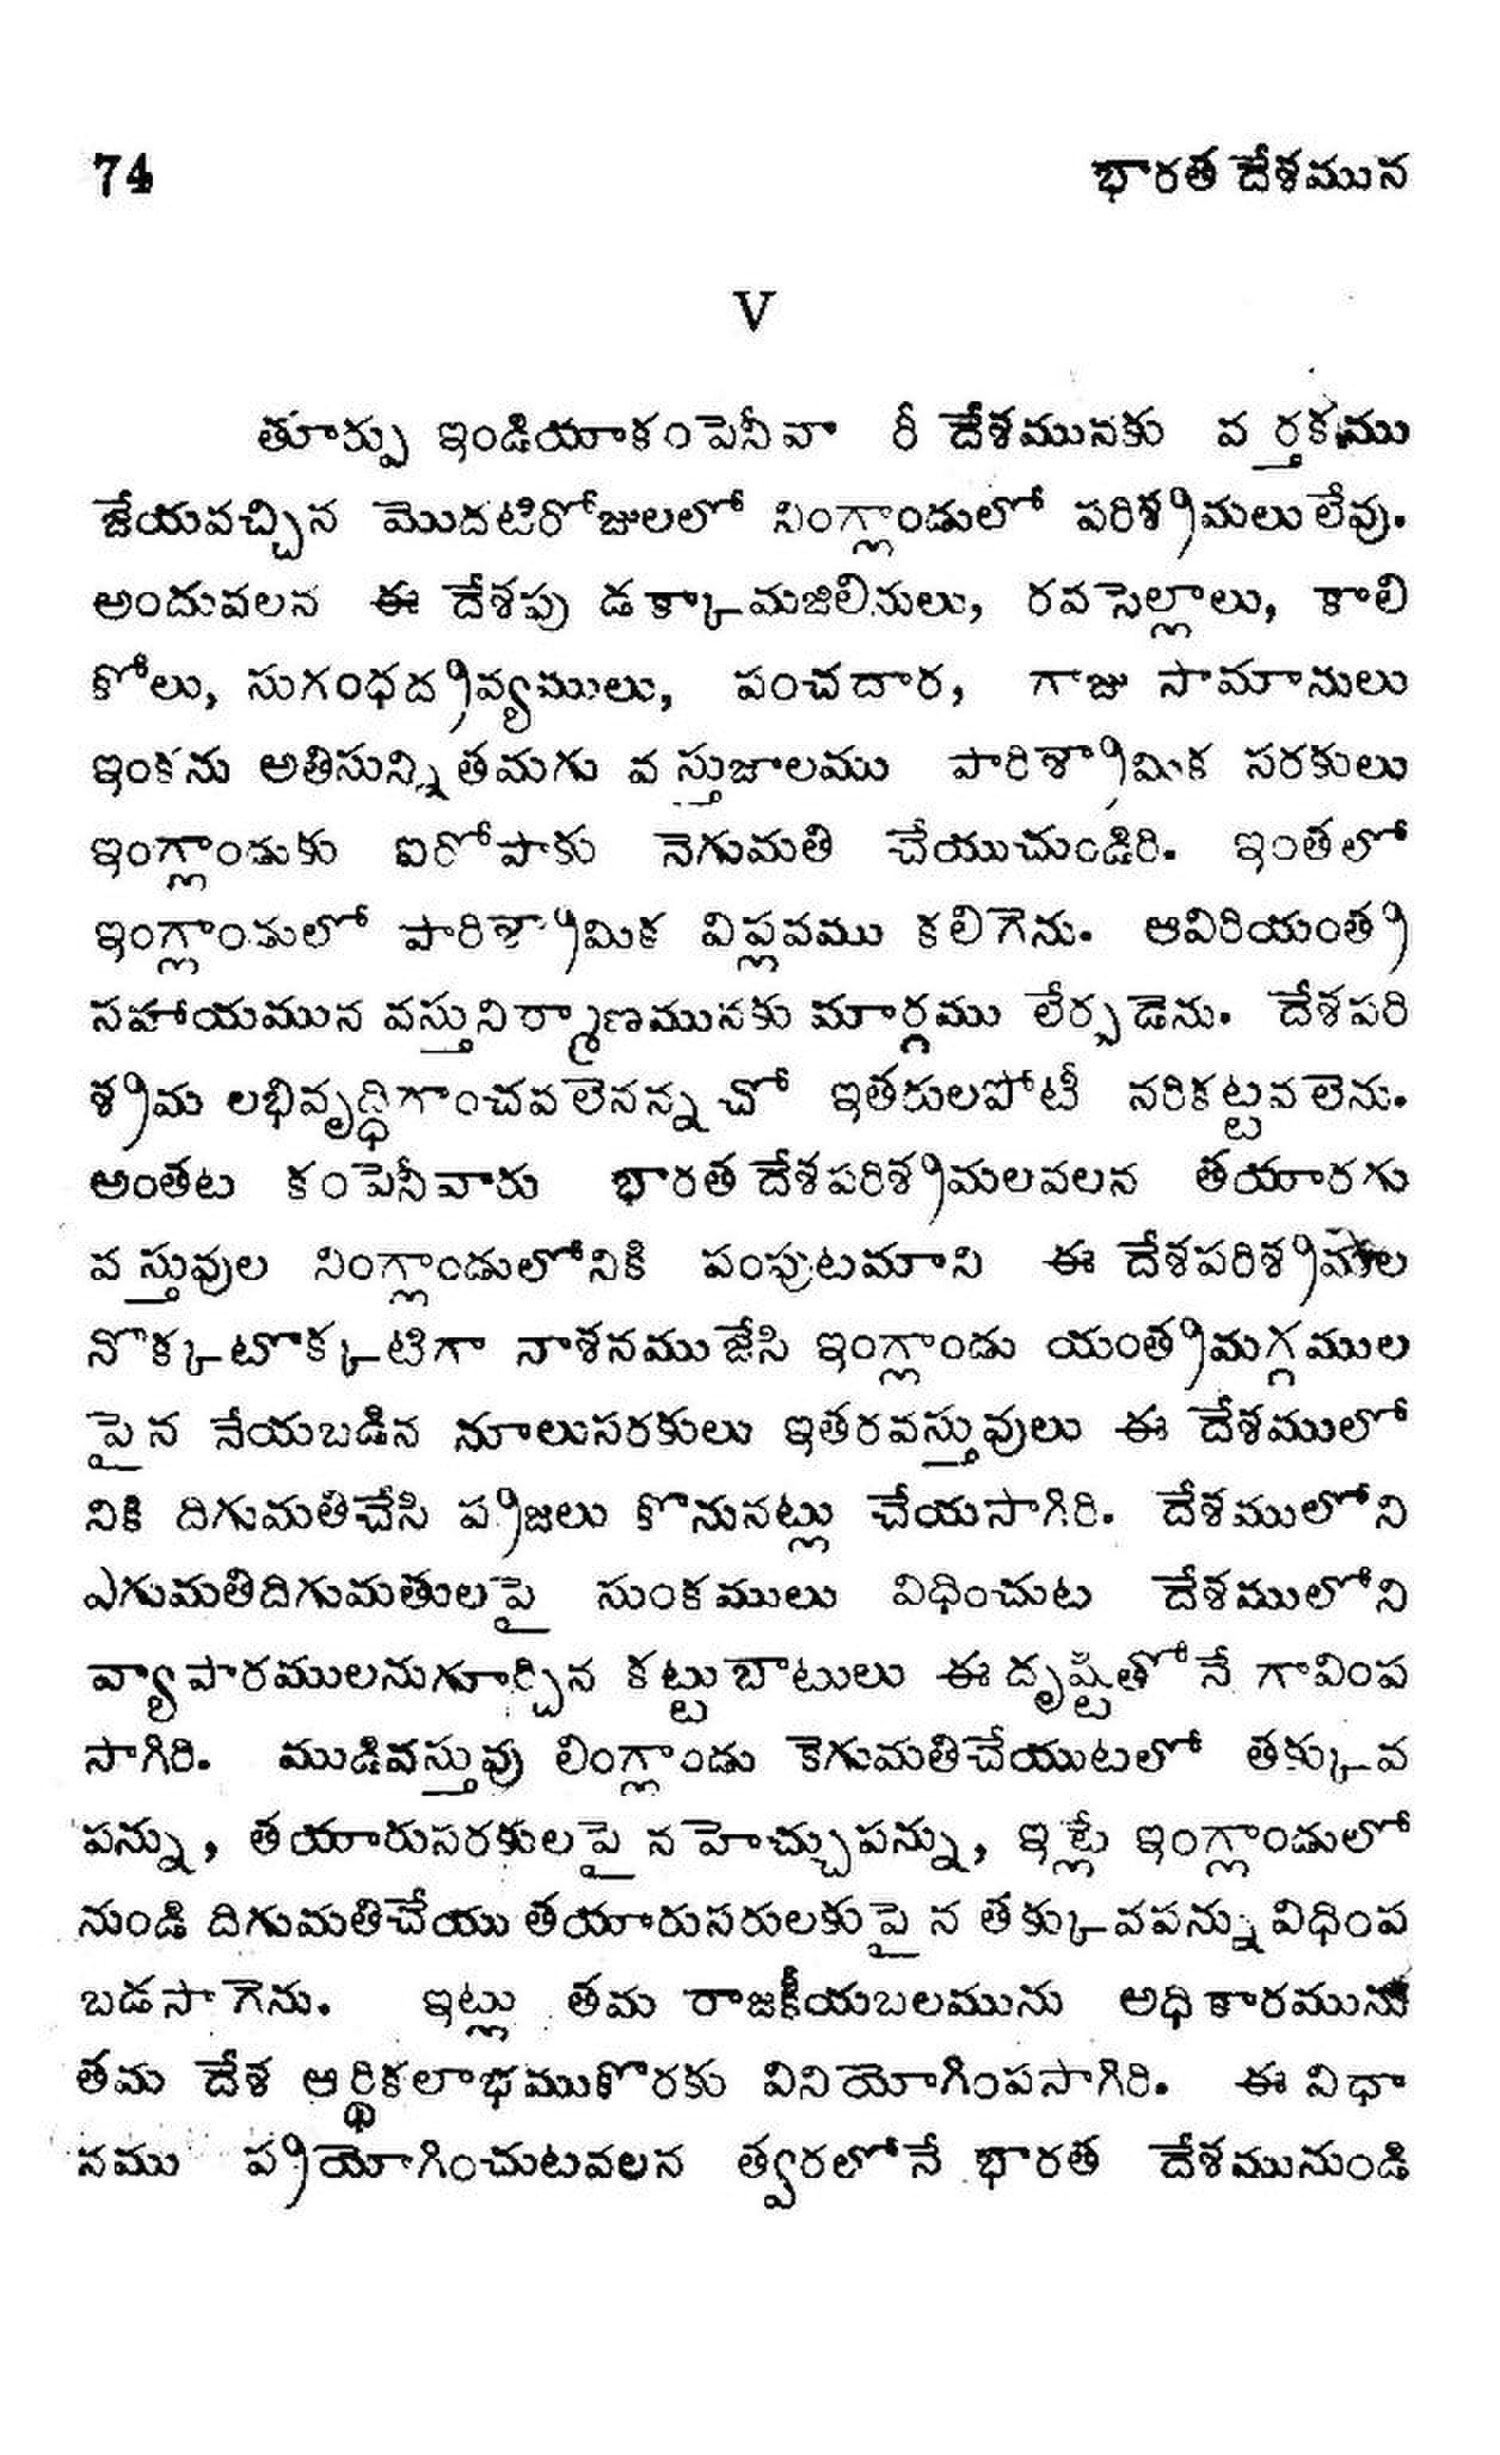V

తూర్పు ఇండియాకంపెనీవా రీ దేశమునకు వర్తకము జేయవచ్చిన మొదటిరోజులలో నింగ్లాండులో పరిశ్రమలు లేవు. అందువలన ఈ దేశపు డక్కా మజిలినులు, రవసెల్లాలు, కాలికోలు, సుగంధద్రవ్యములు, పంచదార, గాజు సామానులు ఇంకను అతిసున్నితమగు వస్తుజాలము పారిశ్రామిక సరకులు ఇంగ్లాండుకు ఐరోపాకు నెగుమతి చేయుచుండిరి. ఇంతలో ఇంగ్లాండులో పారిశ్రామిక విప్లవము కలిగెను. ఆవిరియంత్ర సహాయమున వస్తునిర్మాణమునకు మార్గము లేర్చడెను. దేశపరిశ్రమ లభివృద్ధిగాంచవలెనన్నచో ఇతరులపోటీ నరికట్టవలెను. అంతట కంపెనీవారు భారతదేశ పరిశ్రమలవలన తయారగు వస్తువుల నింగ్లాండులోనికి పంపుటమాని ఈ దేశపరిశ్రమల నొక్కటొక్కటిగా నాశనముజేసి ఇంగ్లాండు యంత్రమగ్గముల పైన నేయబడిన నూలుసరకులు ఇతరవస్తువులు ఈ దేశములోనికి దిగుమతిచేసి ప్రజలు కొనునట్లు చేయసాగిరి. దేశములోని ఎగుమతిదిగుమతులపై సుంకములు విధించుట దేశములోని వ్యాపారములను గూర్చిన కట్టుబాటులు ఈదృష్టితోనే గావింపసాగిరి. ముడివస్తువు లింగ్లాండు కెగుమతి చేయుటలో తక్కువ పన్ను, తయారుసరకులపైన హెచ్చుపన్ను, ఇట్లే ఇంగ్లాండులో నుండి దిగుమతిచేయు తయారుసరులకుపైన తక్కువపన్ను విధింప బడసాగెను. ఇట్లు తమ రాజకీయబలమును అధికారమును తమ దేశ ఆర్థికలాభముకొరకు వినియోగింపసాగిరి. ఈ విధానము ప్రయోగించుటవలన త్వరలోనే భారత దేశమునుండి